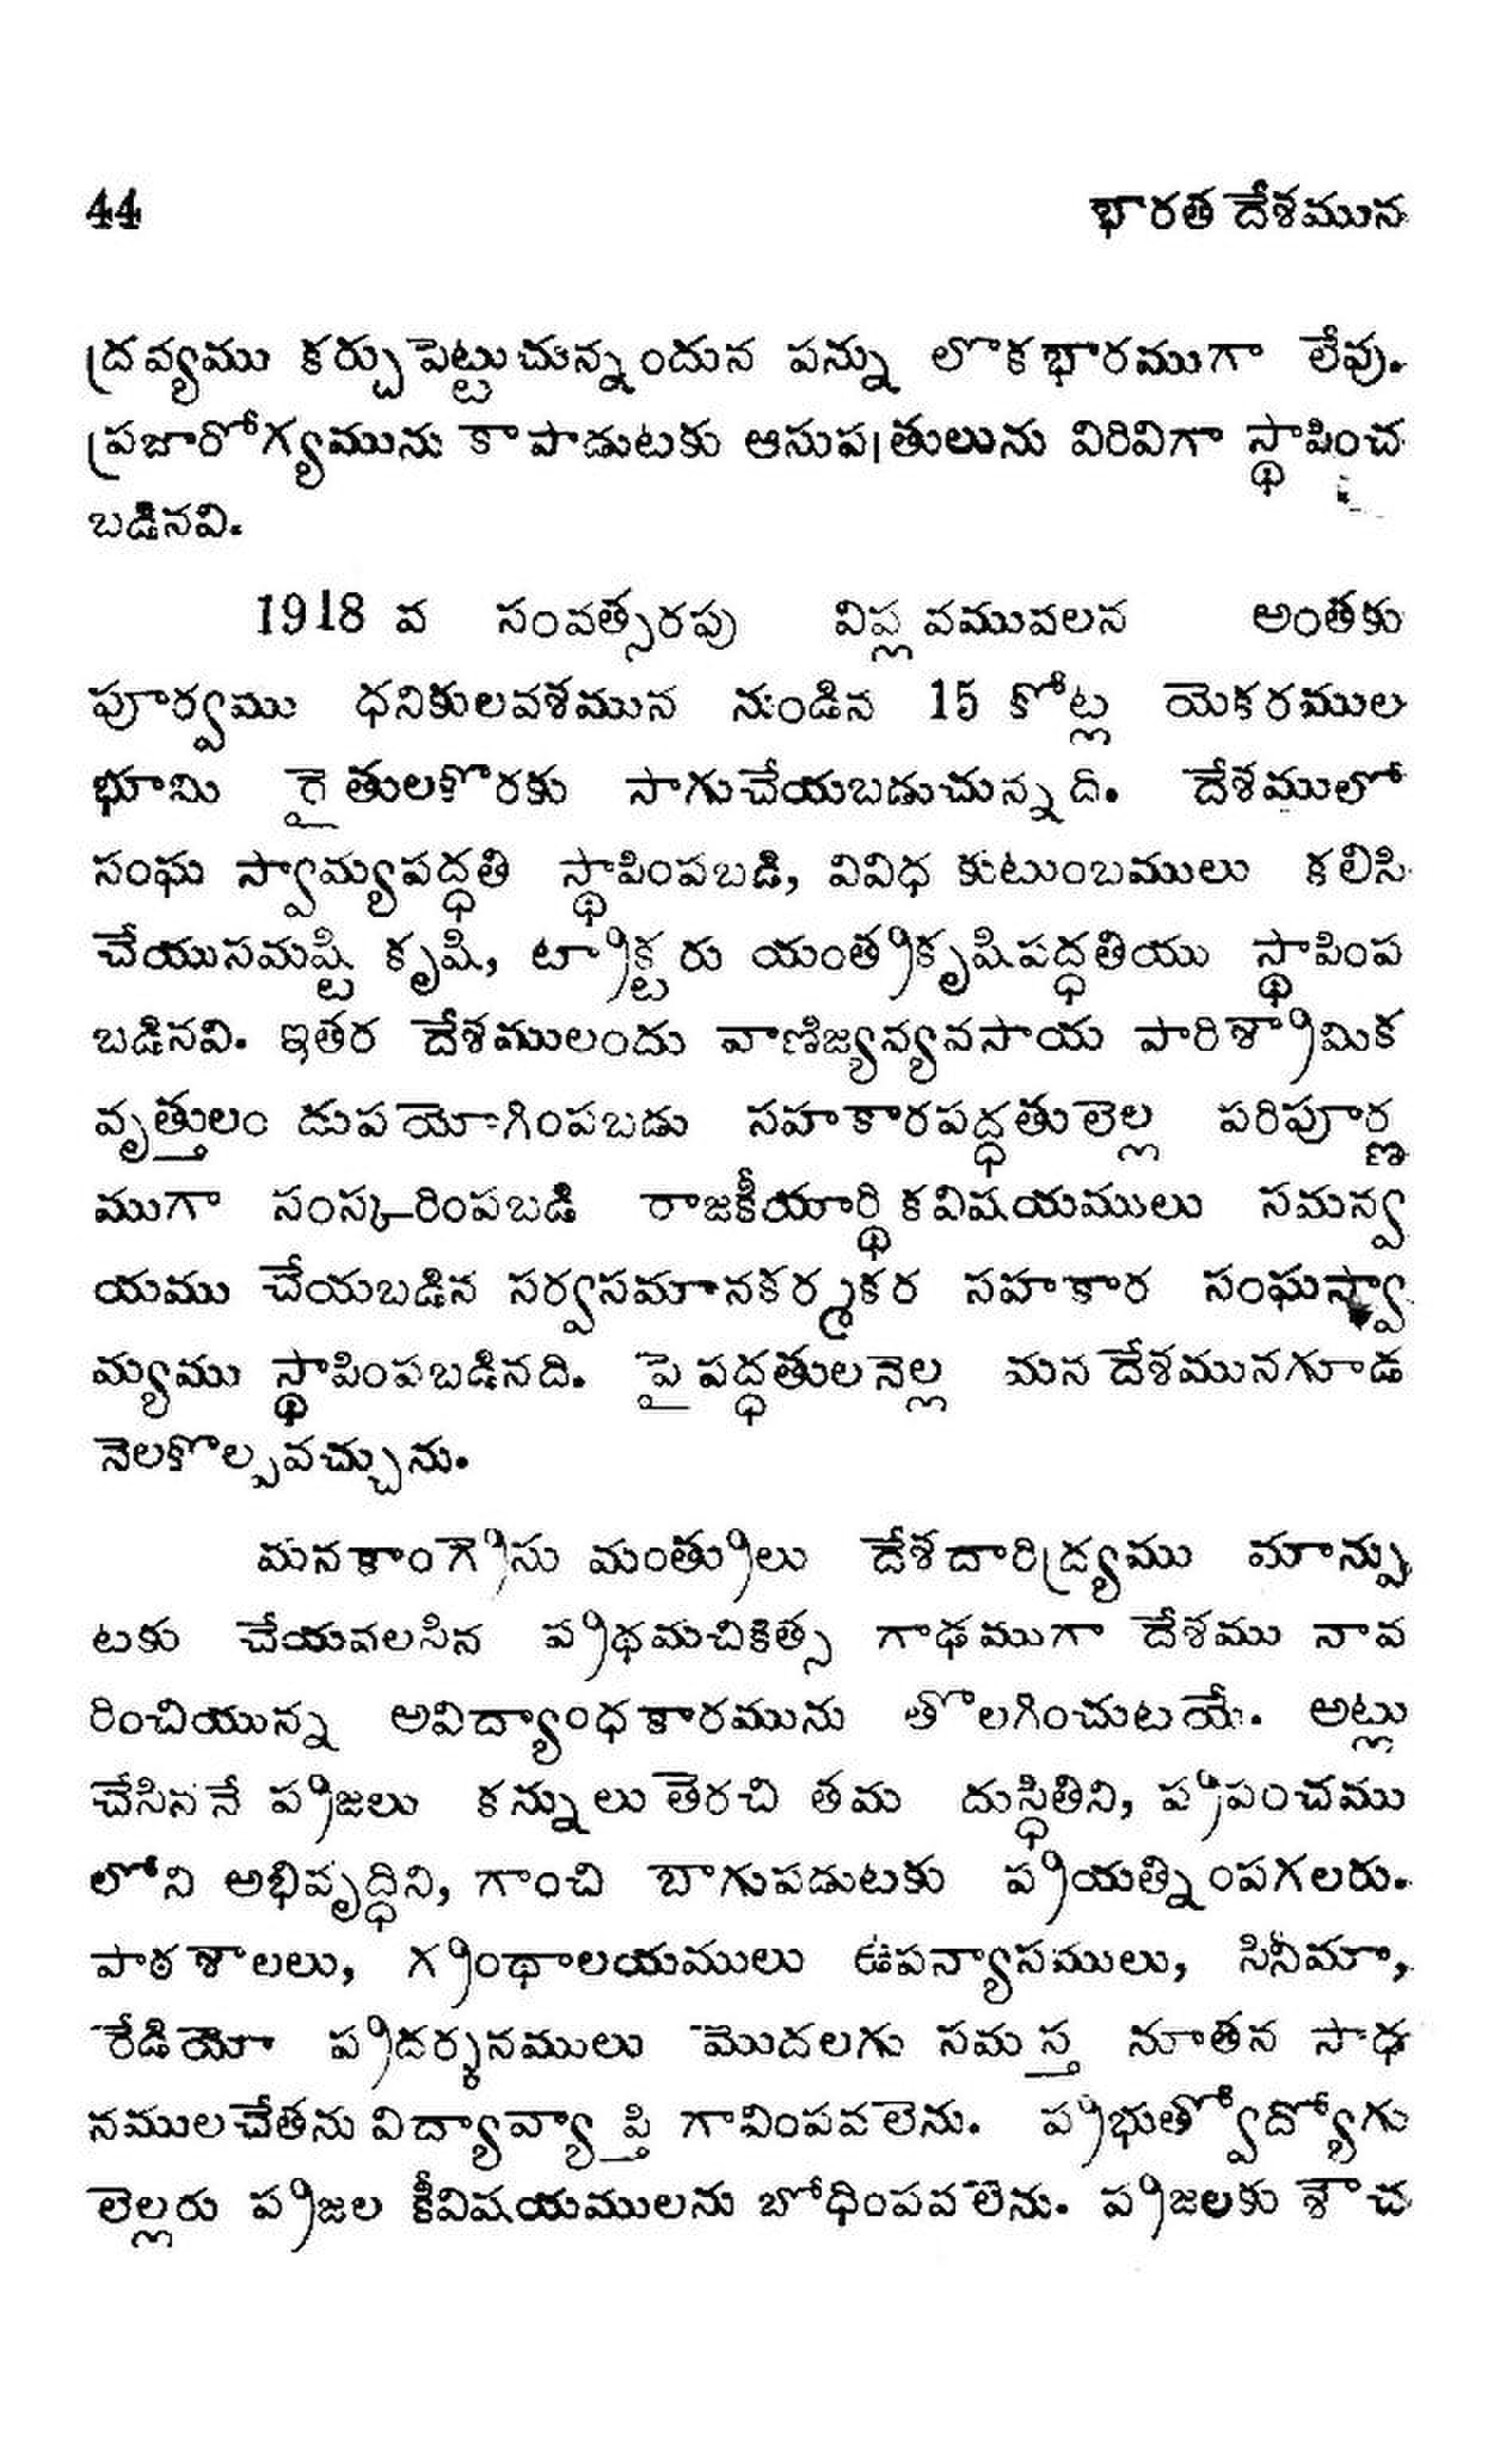ద్రవ్యము కర్చుపెట్టుచున్నందున పన్ను లొకభారముగా లేవు. ప్రజారోగ్యమును కాపాడుటకు ఆసుపత్రులును విరివిగా స్థాపించబడినవి.

1918 వ సంవత్సరపు విప్లవమువలన అంతకుపూర్వము ధనికులవశమున నుండిన 15 కోట్ల యెకరముల భూమి రైతులకొరకు సాగుచేయబడుచున్నది. దేశములో సంఘ స్వామ్యపద్ధతి స్థాపింపబడి, వివిధ కుటుంబములు కలిసి చేయుసమష్టి కృషి, ట్రాక్టరు యంత్రకృషిపద్దతియు స్థాపింప బడినవి. ఇతర దేశములందు వాణిజ్యవ్యవసాయ పారిశ్రామిక వృత్తులం దుపయోగింపబడు సహకారపద్దతులెల్ల పరిపూర్ణముగా సంస్కరింపబడి రాజకీయార్థి కవిషయములు సమన్వయము చేయబడిన సర్వసమానకర్మకర సహకార సంఘస్వామ్యము స్థాపింపబడినది. పైపద్ధతులనెల్ల మనదేశమునగూడ నెలకొల్చవచ్చును.

మనకాంగ్రెసు మంత్రులు దేశదారిద్ర్యము మాన్పుటకు చేయవలసిన ప్రథమచికిత్స గాఢముగా దేశము నావరించియున్న అవిద్యాంధకారమును తొలగించుటయే. అట్లుచేసిననే ప్రజలు కన్నులుతెరచి తమ దుస్థితిని, ప్రపంచములోని అభివృద్ధిని, గాంచి బాగుపడుటకు ప్రయత్నింపగలరు. పాఠశాలలు, గ్రంథాలయములు ఉపన్యాసములు, సినీమా, రేడియో ప్రదర్శనములు మొదలగు సమస్త నూతన సాధనములచేతను విద్యావ్యాప్తి గావింపవలెను. ప్రభుత్వోద్యోగు లెల్లరు ప్రజల కీవిషయములను బోధింపవలెను. ప్రజలకు శౌచ